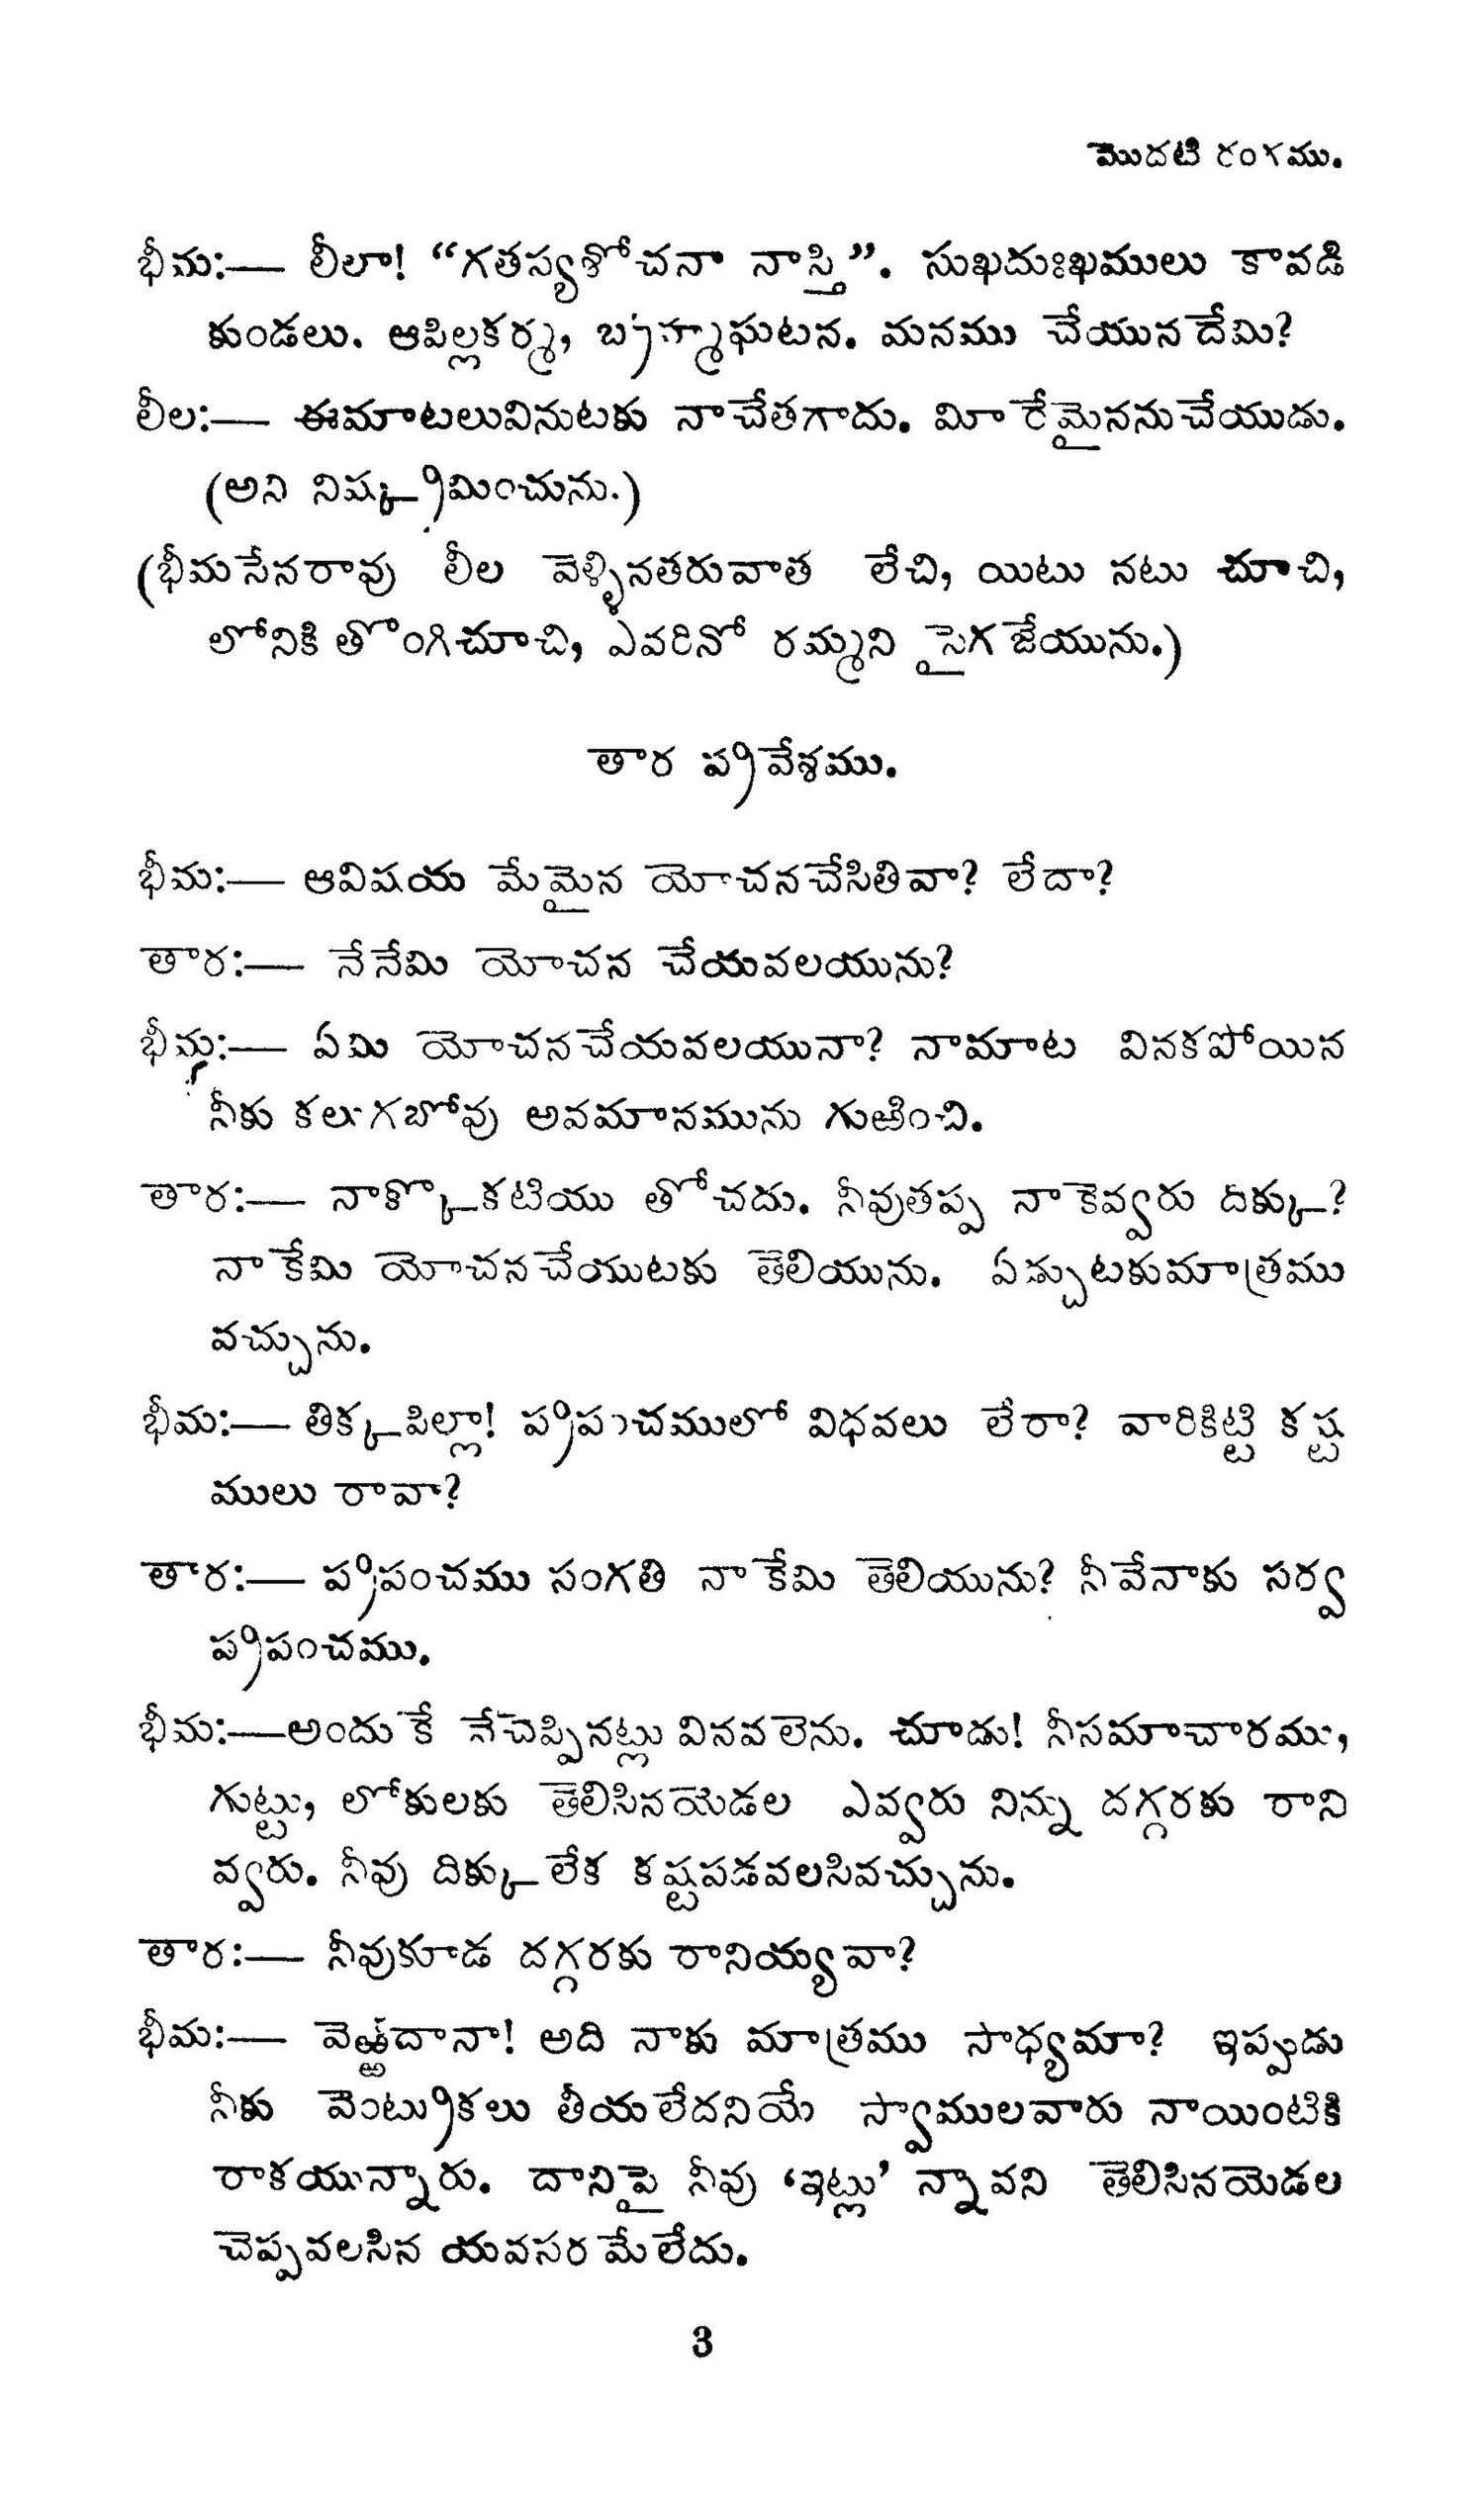భీమ:- లీలా! "గతస్యశోచనా నాస్తి". సుఖదు:ఖములు కావడి కుండలు. ఆపిల్లకర్మ, బ్రహ్మఘటన. మనము చేయునదేమి?

లీల:- ఈమాటలువినుటకు నాచేతగాదు. మీరేమైననుచేయుడు. (అని నిష్క్రమించును.)
(భీమసేనరావు లీల వెళ్ళినతరువాత లేచి, యిటు నటు చూచి, లోనికి తొంగిచూచి, ఎవరినో రమ్మని సైగ చేయును.)

భీమ:- అవిషయ మేమైన యోచనచేసితివా? లేదా?
తార:- నేనేమి యోచన చేయవలయును?
భీమ:- ఏమి యోచనచేయవలయునా? నామాట వినకపోయిన నీకు కలుగబోవు అనుమానము గుఱించి.
తార:- నాక్కొకటియు తోచదు. నీవుతప్ప నాకెవ్వరు దిక్కు? నాకేమి యోచనచేయుటకు తెలియును. ఏడ్చుటకుమాత్రము వచ్చును.
భీమ:- తిక్కపిల్లా! ప్రపంచములో విధవలు లేరా? వారికిట్టి కష్టములు రావా?
తార:- ప్రపంచము సంగతి నాకేమి తెలియును? నీవేనాకు సర్వ ప్రపంచము.
భీమ:- అందుకే నేచెప్పినట్లు వినవలెను. చూడు! నీసమాచారము, గుట్టు, లోకులకు తెలిసినయెడల ఎవ్వరు నిన్ను దగ్గరకు రానివ్వరు. నీవు దిక్కులేక కష్టపడవలసివచ్చును.
తార:- నీవుకూడ దగ్గరకు రానియ్యవా?
భీమ:- వెఱ్ఱిదానా! అది నాకు మాత్రము సాధ్యమా? ఇప్పుడు నీకు వెంట్రుకలు తీయలేదనియే స్వాములవారు నాయింటికి రాకయున్నారు. దానిపై నీవు 'ఇట్లు'న్నావని తెలిసినయెడల చెప్పవలసిన యవసరమేలేదు.